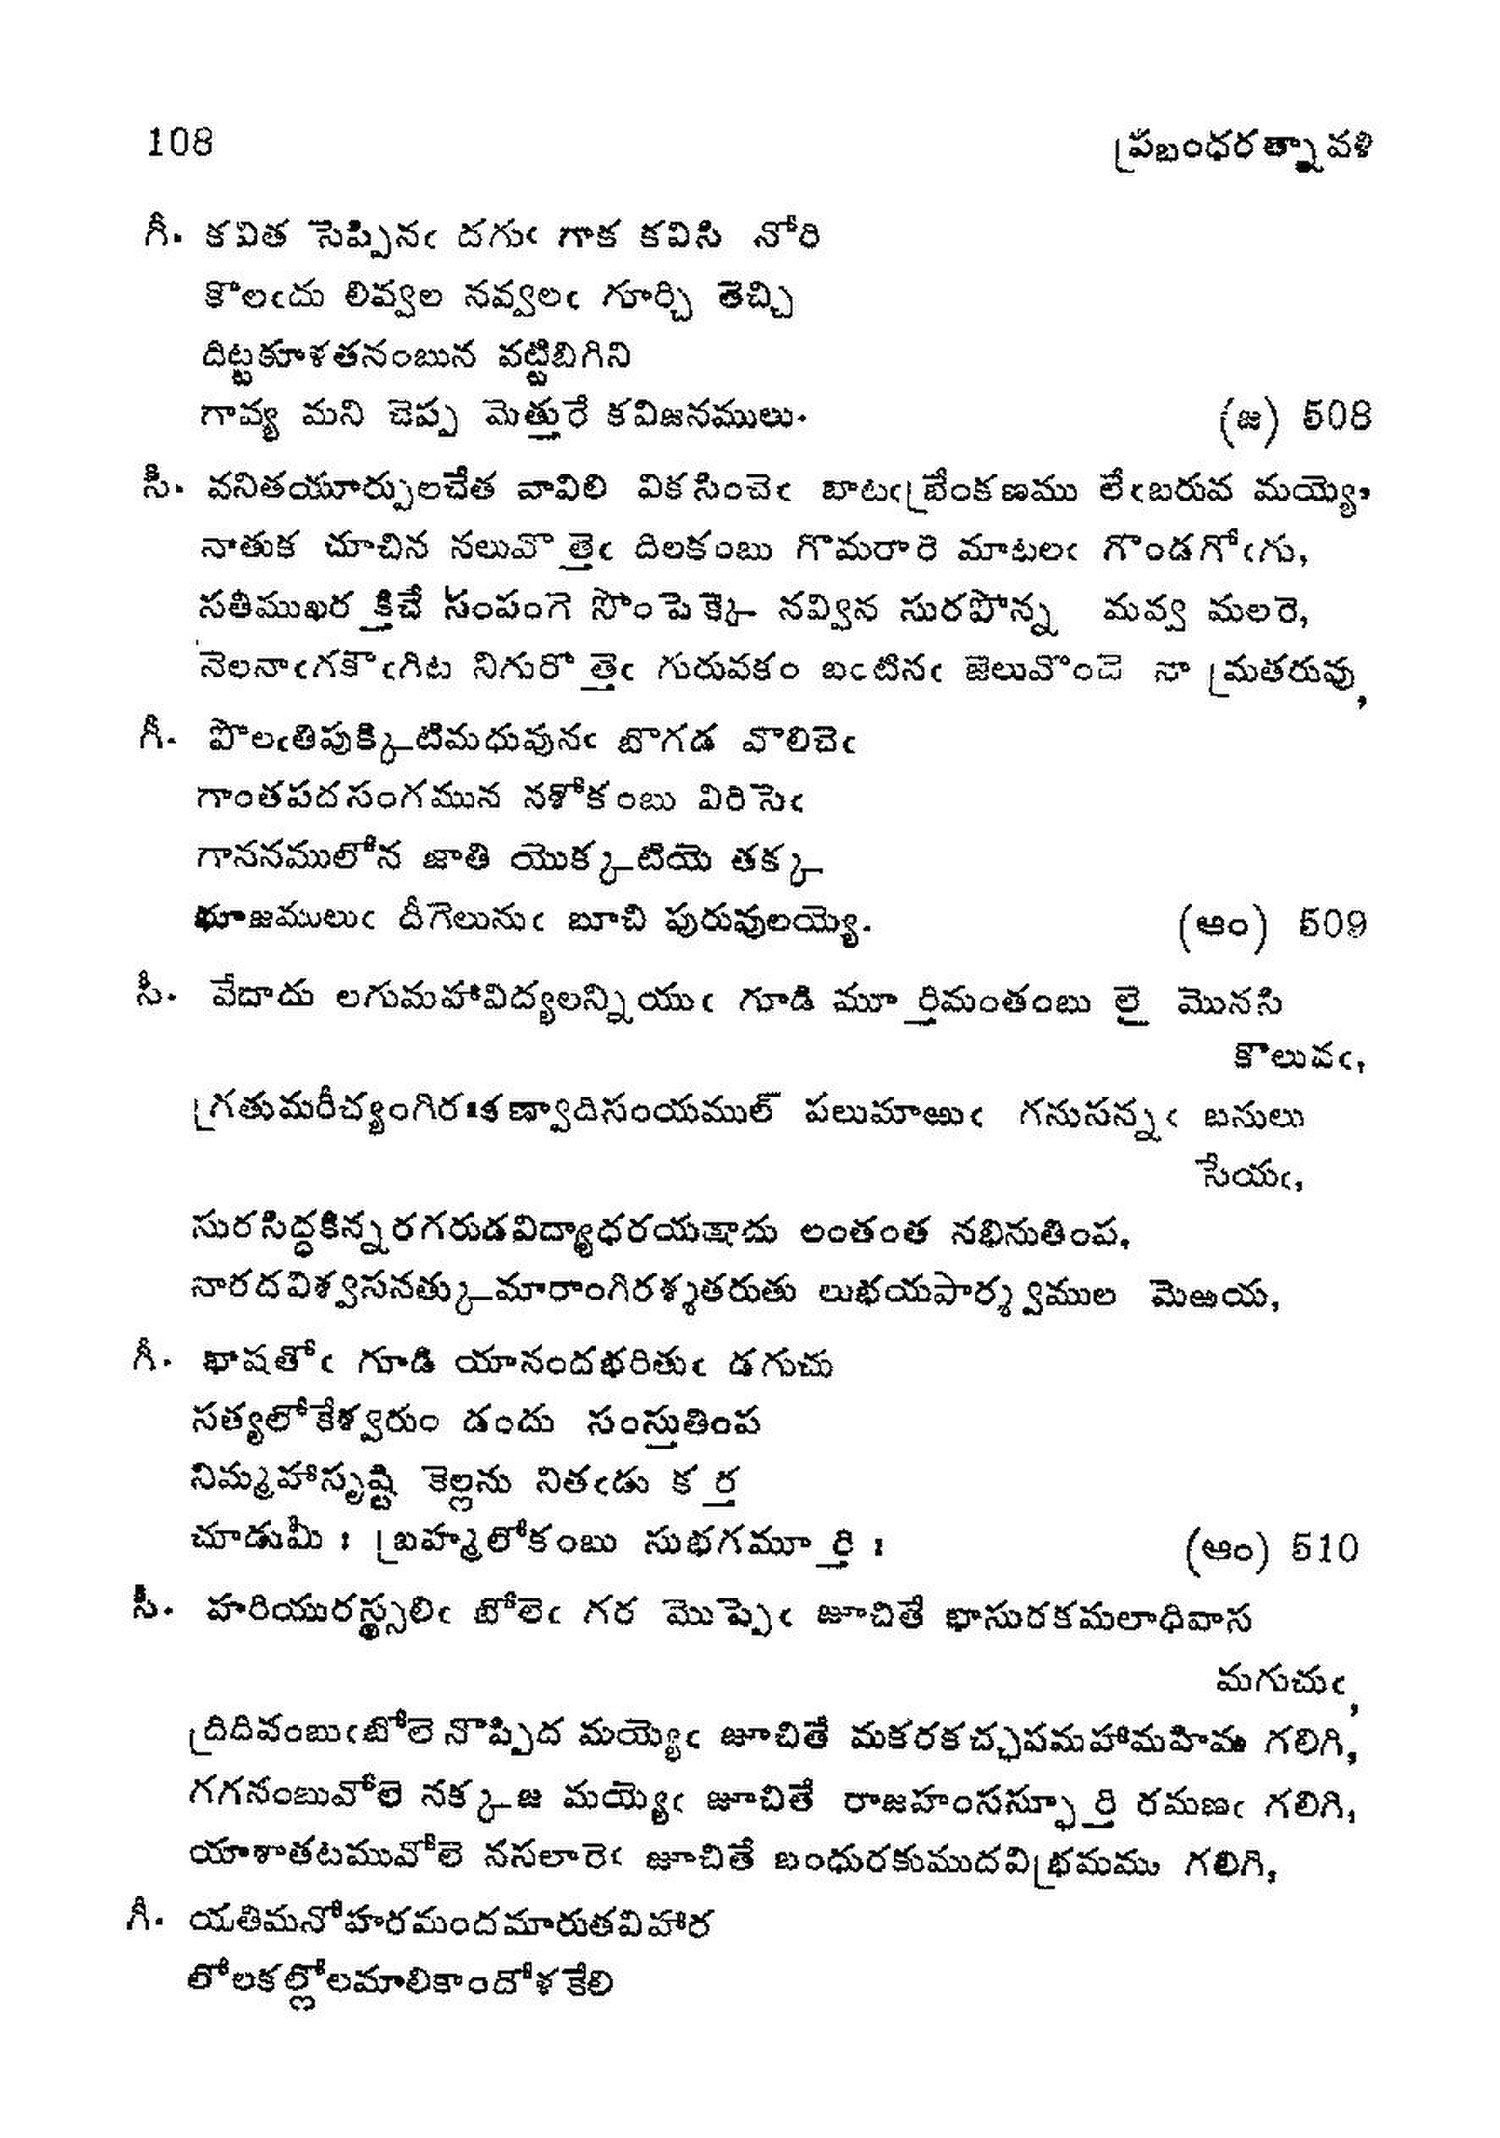గీ. కవిత సెప్పినఁదగుఁ గాక కవిసి నోరి
కొలఁదు లివ్వల నవ్వలఁ గూర్చి తెచ్చి
దిట్టకూళతనంబున వట్టిబిగిని
గావ్యమని చెప్ప మెత్తురే కవిజనములు. (జ) 508

సీ. వనిత యూర్పులచేత వావిలి వికసించెఁ బాటఁబ్రేంకణము లేఁబరువమయ్యె,
నాతుక చూచిన నలువొత్తెఁ దిలకంబు గొమరారె మాటలఁ గొండగోఁగు,
సతిముఖరక్తిచే సంపంగి సొంపెక్కె నవ్విన సురపొన్న మవ్వమలరె,
నెలనాఁగ కౌఁగిట నిగురొత్తెఁ గురవకం బంటినఁ జెలువొందె నామ్రతరువు,
గీ. పొలఁతి పుక్కిటిమధువునఁ బొగడ వొలిచెఁ
గాంతపదసంగమున నశోకంబు విరిసెఁ
గాననములోన జాతి యొక్కటియె తక్క
భూజములుఁ దీఁగలునుఁ బూచి పురువులయ్యె. (ఆం) 509

సీ. వేదాదులగు మహావిద్యలన్నియుఁ గూడి మూర్తిమంతంబులై మొనసి కొలువఁ,
గ్రతుమరీచ్యంగిరఃకణ్వాదిసంయముల్ పలుమాఱుఁ గనుసన్నఁ బనులు సేయ,
సురసిద్ధకిన్నరగరుడవిద్యాధర యక్షాదు లంతంత నభినుతింప,
నారదవిశ్వసనత్కుమారాంగిర శ్శతరుతు లుభయపార్శ్వముల మెఱయ,
గీ. భాషతోఁగూడి యానందభరితుఁడగుచు
సత్యలోకేశ్వరుండందు సంస్తుతింప
నిమ్మహాసృష్టికెల్లను నితఁడు కర్త
చూడుమీ! బ్రహ్మలోకంబు సుభగమూర్తి! (ఆం) 510

సీ. హరి యురస్స్థలిఁబోలెఁ గర మొప్పఁ జూచితే భాసురకమలాధి వాసమగుచుఁ,
ద్రిదివంబుఁబోలె నొప్పిదమయ్యెఁ జూచితే మకర కచ్ఛప మహా మహిమ గలిగి,
గగనంబువోలె నక్కజమయ్యెఁ జూచితే రాజహంసస్ఫూర్తి రమణఁ గలిగి,
యాశాతటమువోలె నసలారెఁ జూచితే బంధుర కుముదవిభ్రమము గలిగి
గీ. యతిమనోహర మందమారుత విహార
లోల కల్లోలమాలికాందోళకేలి